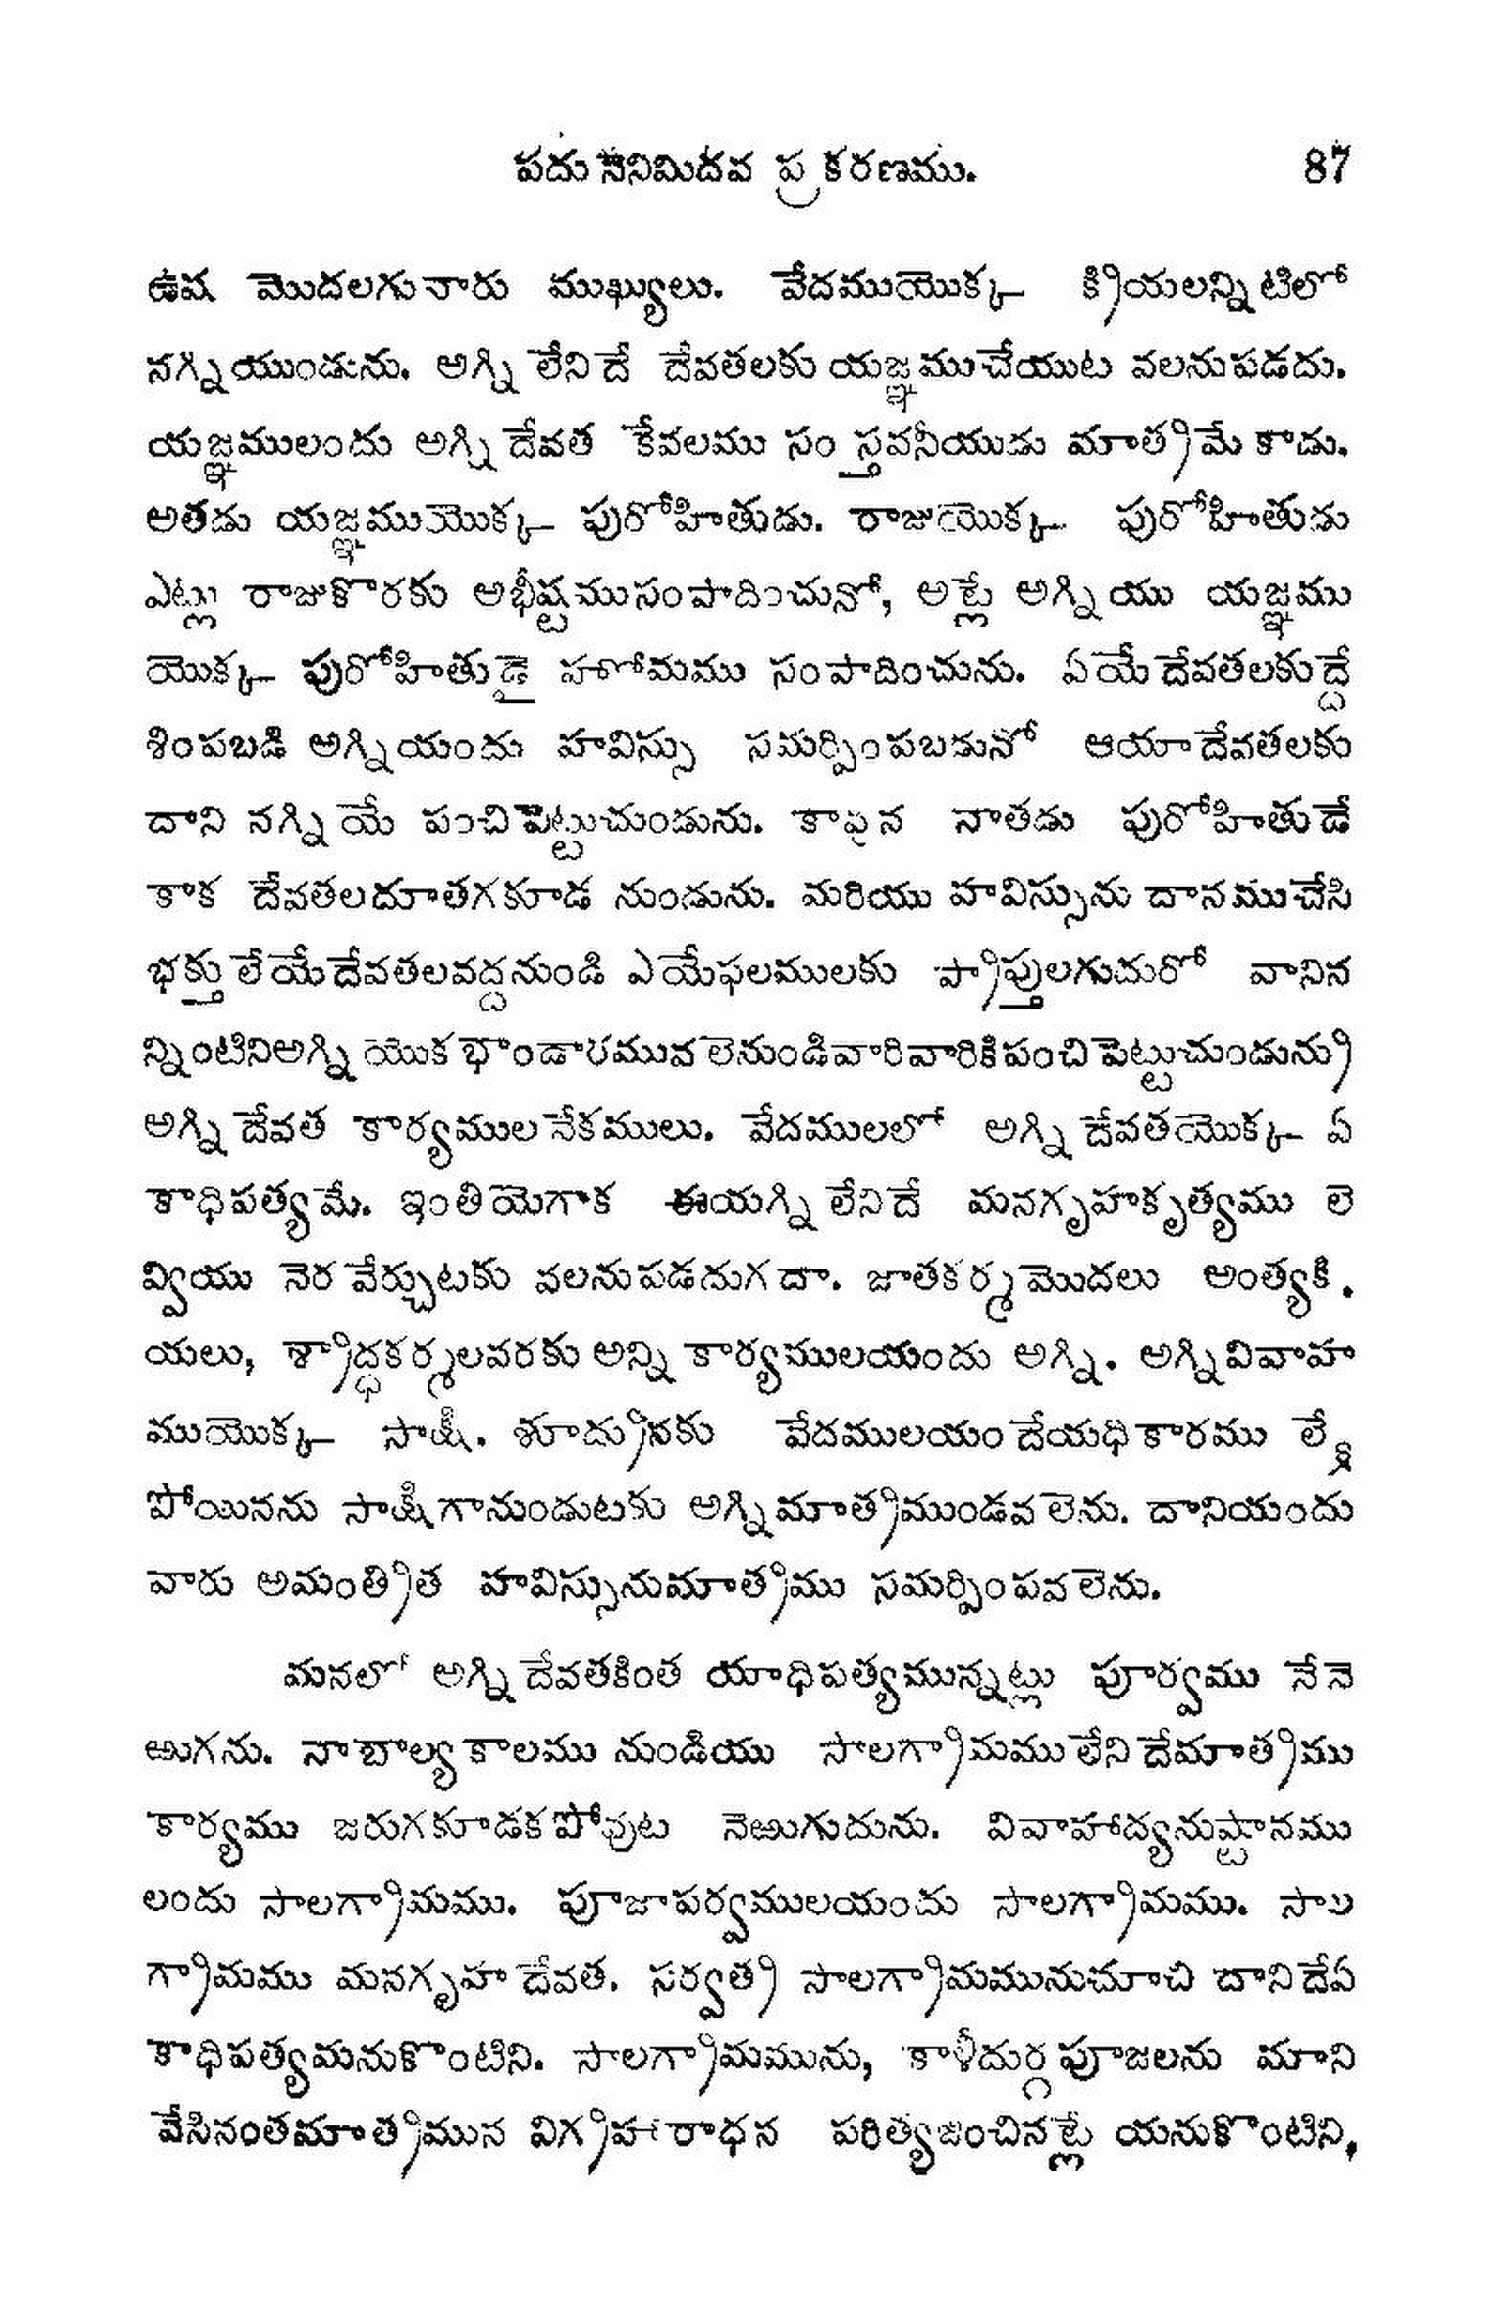అతడు యజము
ఉష మొదలగు వారు ముఖ్యులు. వేదము యొక్క క్రియలన్నిటీలో
నగ్నియుండును. అగ్ని లేనిదే దేవతలకు యజ్ఞము చేయుట వలను పడదు.
యజ్ఞములందు అగ్ని దేవత కేవలము సంస్తవనీయుడు మాత్రమే కాడు,
యజ్ఞము యొక్క పురోహితుడు. రాజు యొక్క, పురోహితుడు
ఎట్లు రాజు కొరకు అభీష్టము సంపాదించునో, అట్లే అగ్నియు యజ్ఞము
యొక్క- పురోహితుడై హోమము సంపాదించును. ఏయే దేవతలకుద్దే
శింపబడి అగ్నియందు హవిస్సు సమర్పింపబడునో ఆయా దేవతలకు
దాని నగ్నియే పంచి పెట్టు చుండును. "కావున నాతడు పురోహితుడే
కాక దేవతల దూతగకూడ నుండును. మరియు హవిస్సును దానము చేసి
భక్తులేయే దేవతల వద్ద నుండి ఎయే ఫలములకు స్మాత్తులగుదురో వానిన
న్నింటినిఅగ్ని యొక భాండారమువలె నుండి వారి వారికి పంచి పెట్టుచుండును
అగ్ని దేవత "కార్యముల నేకములు, వేదములలో అగ్ని దేవత యొక్క. ఏ
కాధిపత్యమే. ఇంతియేగాక ఈయగ్ని లేనిదే మనగృహకృత్యము 
లెవ్వియు నెర వేర్చుటకు వలను పడదుగదా. జాతకర్మ మొదలు 
అంత్యక్రియలు, శాద్ధకర్మల వరకు అన్ని కార్యములయందు అగ్ని, 
అగ్నివివాహము యొక్క సాక్షి, శూదునకు వేదములయందేయధి 
కారము లేక పోయునను సాక్షి గానుండుటకు అగ్నిమాత్ర ముండవలెను.
దానియందు వారు అమంత్రిత హవిస్సును మాత్రము సమర్పింప వలెను.

మనలో అగ్ని దేవత కింత యాధిపత్యమున్నట్లు పూర్వము నేనెఱుగను.
నా బాల్య కాలము నుండియు సాలగ్రామము లేనిదేమాత్రము
కార్యము జరుగ కూడక పోవుట నెఱుగుదును. వివాహాద్యనుష్టానము
లందు సాలగ్రామము. పూజాపర్వములయంచు సాలగ్రామము. సాల
గ్రామము మన గృహదేవత, సర్వత సాలగ్రామమును చూచి దాని దేవ
కాధిపత్యమనుకొంటిని. సాలగ్రామమును, "కాళీదుర్గ పూజలను మాని
వేసినంతమాత్రమున విగ్రహారాధన పరిత్యజించినట్లే యనుకొంటిని,